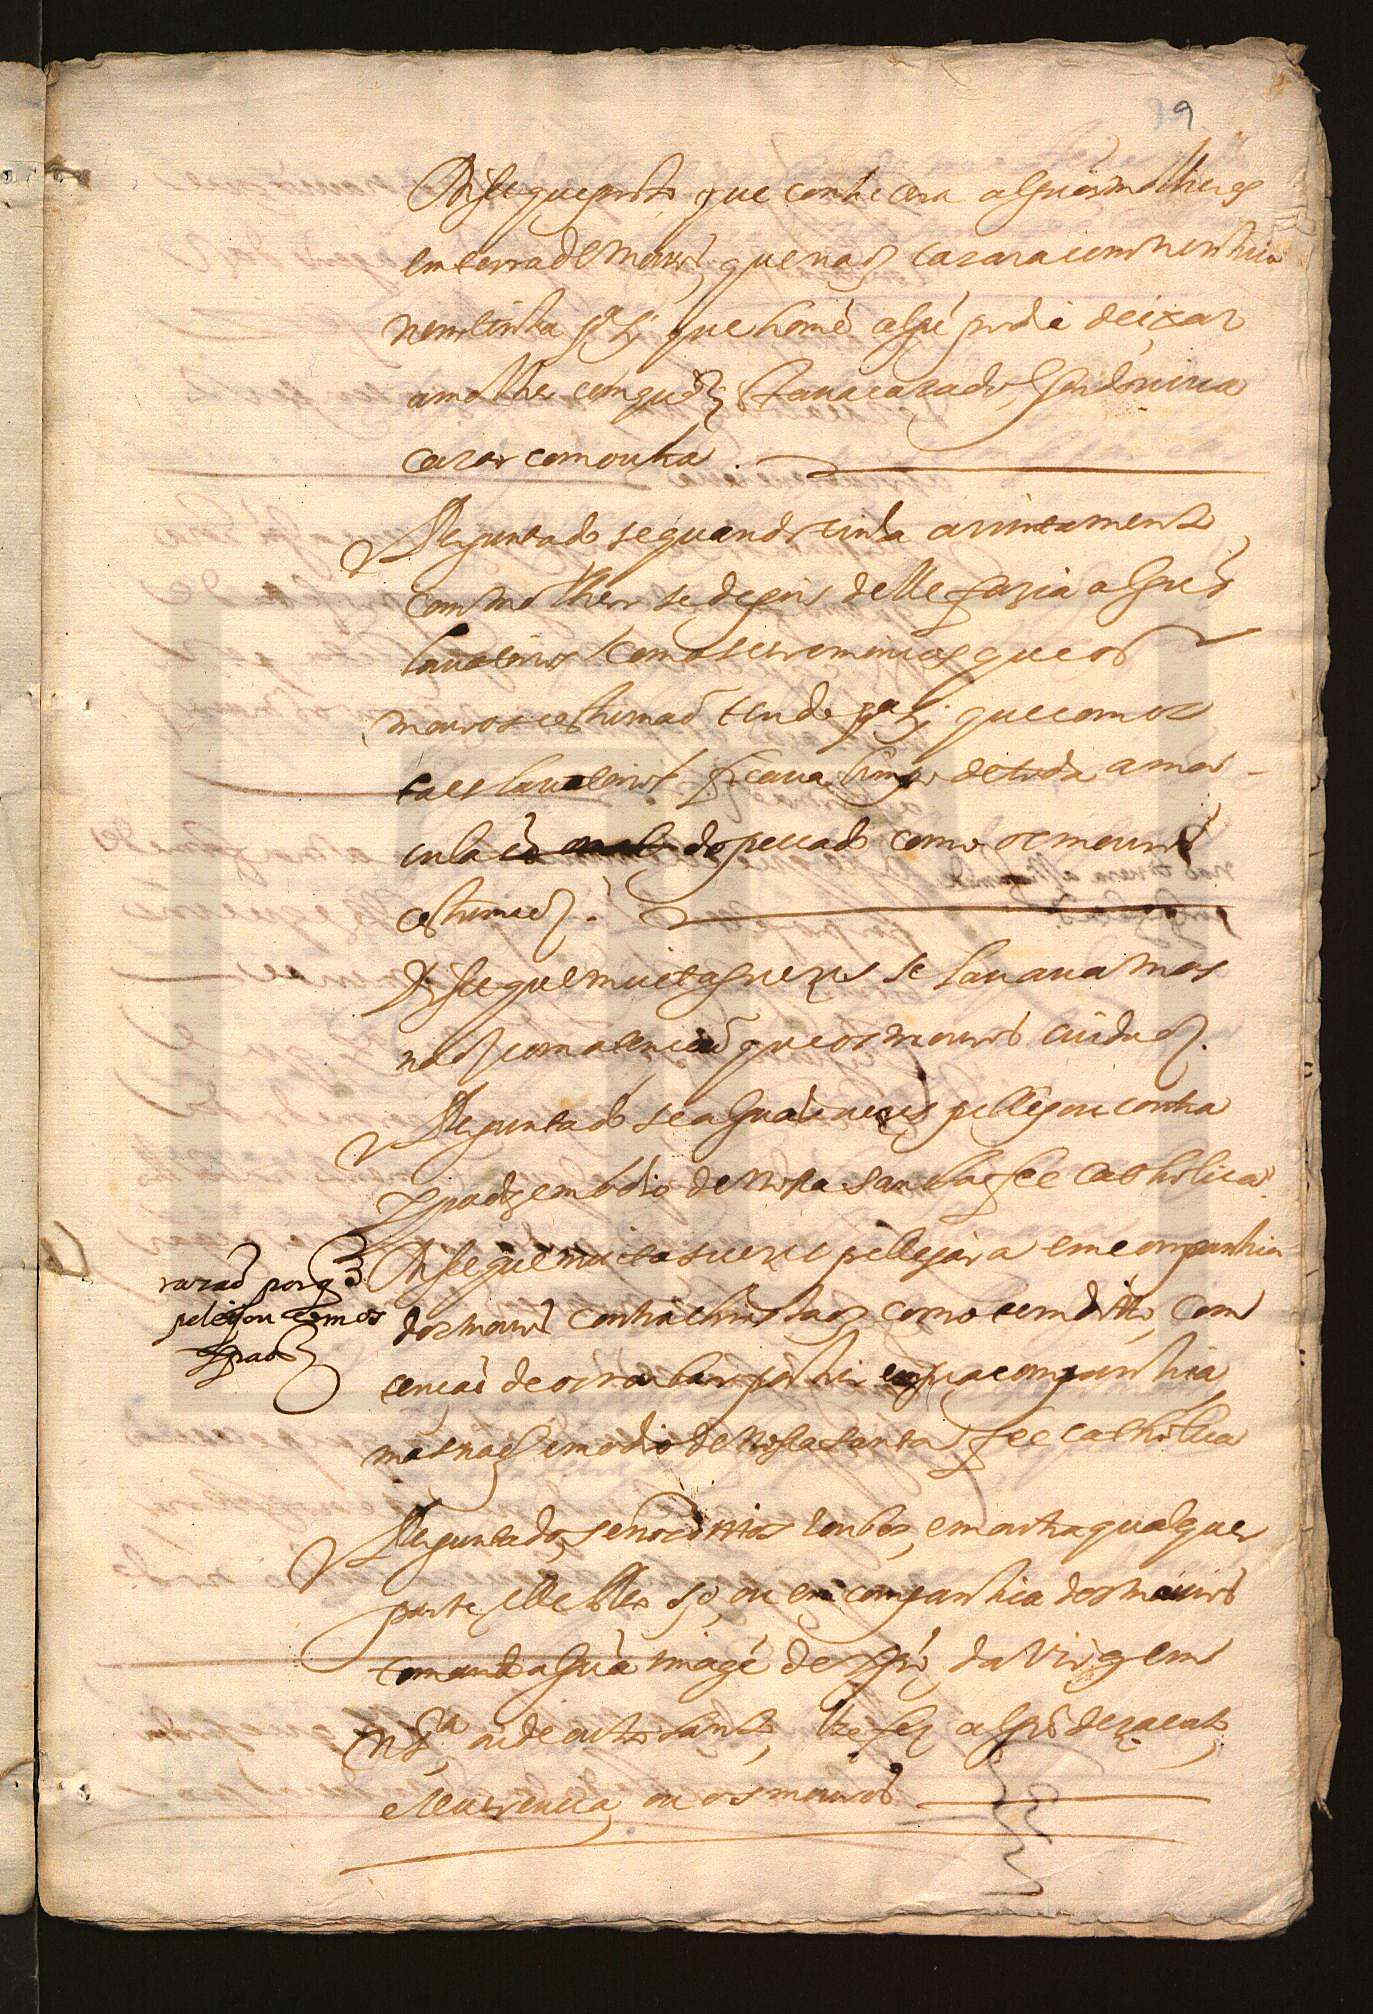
Disse que posto que conhecera alguās molheres
em terra de mouros, que naõ cazara com nenhua
nem tinha pa sy que homē algū pode deixar
a molher com quē estaua cazado, E sendo uiua
cazar com outra.
item Perguntado se quando tinha aiuntamento
com molher se depois delle fazia algus̄
lauatorios com as ceremonias que os
mouros costumaõ tendo pa sy que com os
taes lauatoros ficaua limpo de toda a ma
culaçā o mal do peccado como os mouros
costumaõ?
Disse que muitas uezes se lauaua mas
naõ com a tençaõ que os mouros cuidaõ.
item Perguntado se alguās uezes pellejou contra
xpaõs em ódio de nossa sancta fee catholica?
razaõ por q̄
Disse que muitas uezes pellejara em companhia
dos mouros contra christaõs como tem ditto, com
pelejou com os
xpaõs
tençaõ de os roubar por hir em sua companhia
mas naõ em odio de nossa santa fee catholica
item Perguntado, se nos dittos roubos, em outra qualquer
parte elle Reo so, ou em companhia dos mouros
tomando alguā imagē de xpō, da virgem
n sr.a ou de outro santo, lhe fez algū dezacato,
ereuerencia, ou os mouros
